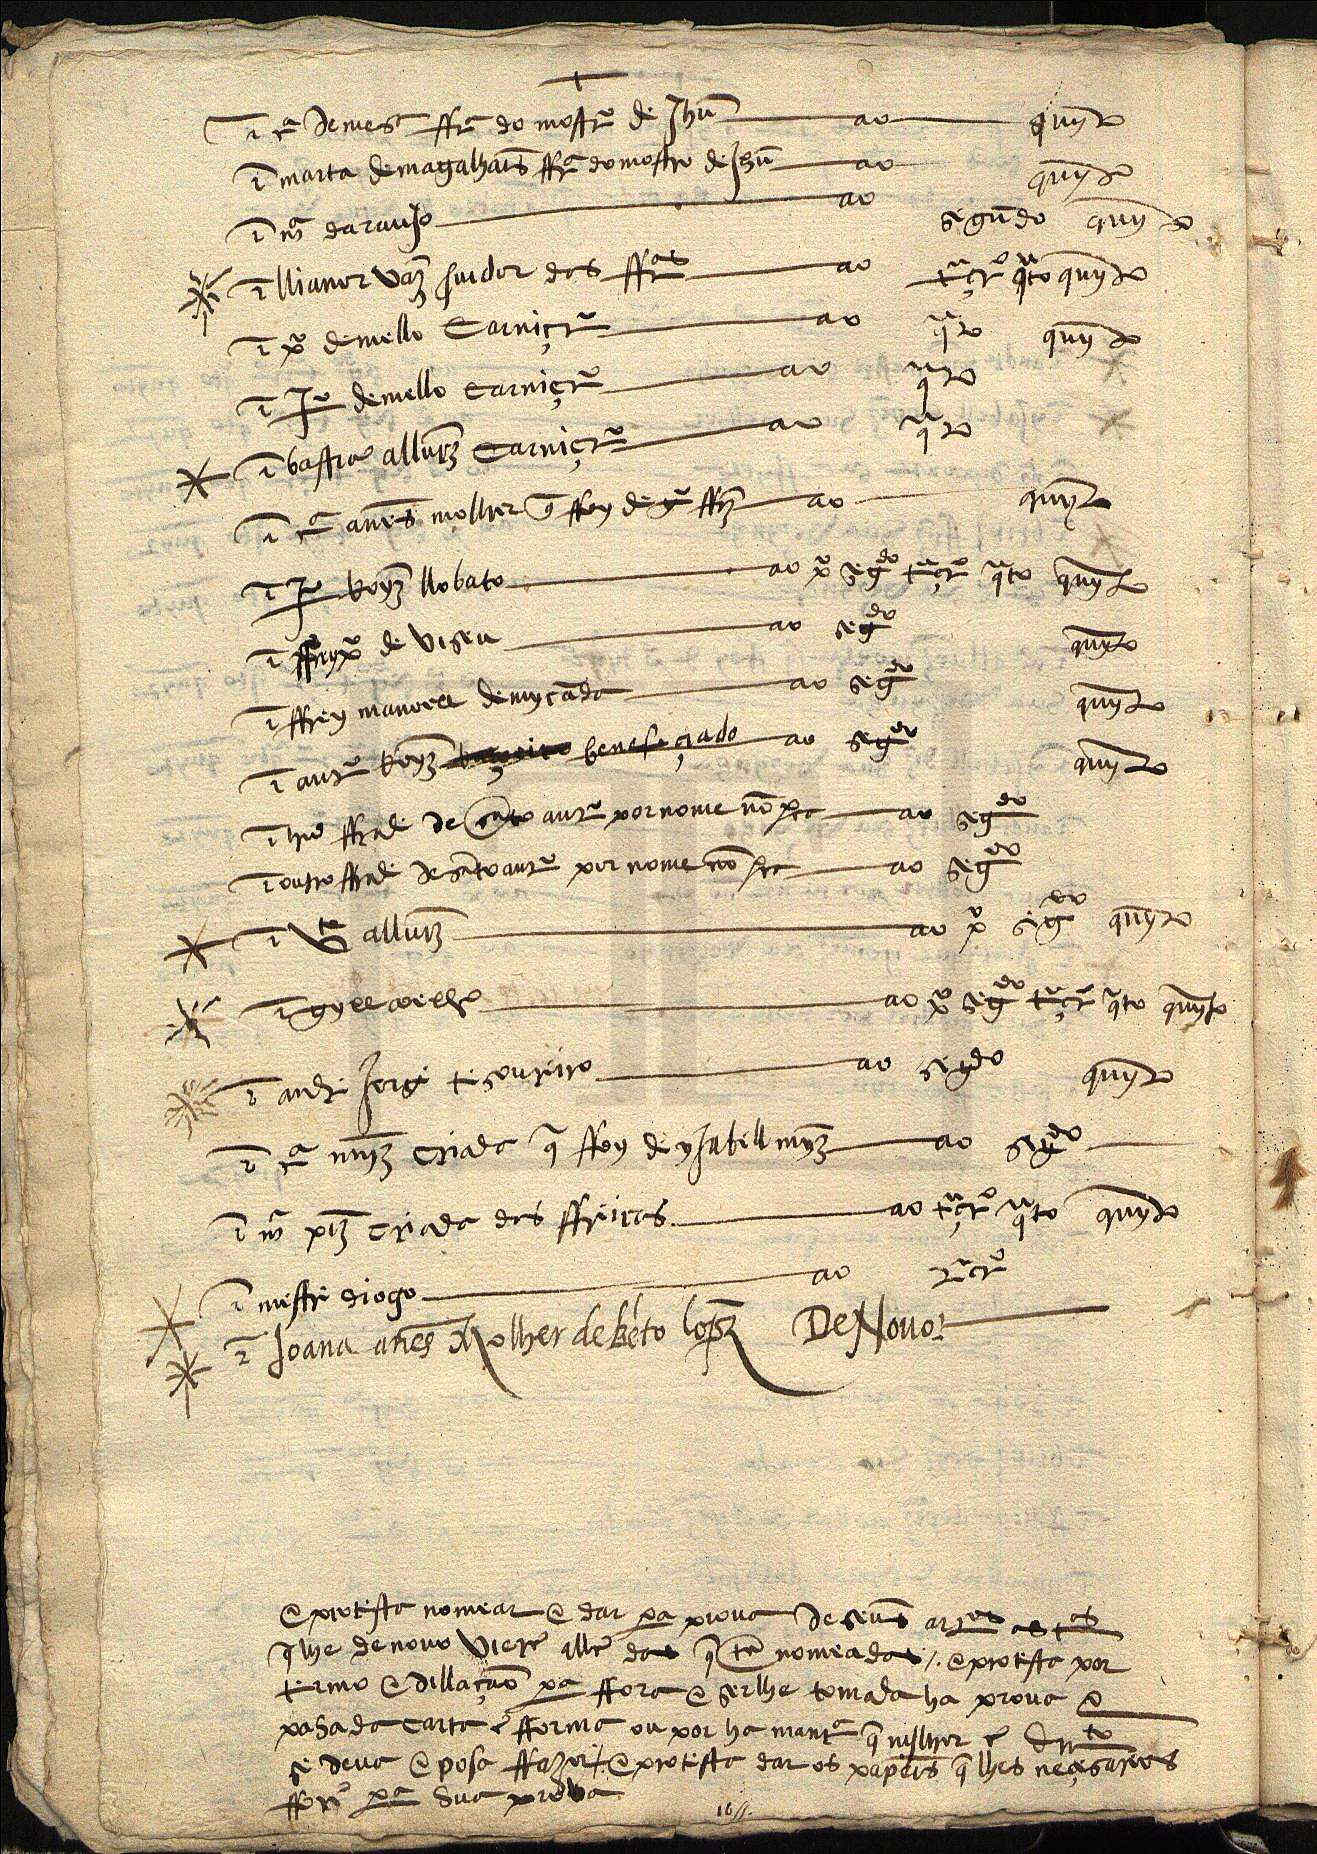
item ca de mesa ffra do mostro de Jhū – ao quȳto
item marta de magalhães ffra do mostro de Jhū ao qūyto
item ma darauJo – ao segūdo q̄uyto
item llianor vaz̄ ꞩuidor das ffras ao t̄cro q̄to q̄uyto
item po de mello Carnicro – ao q̄to qūyto
item Jo de mello carnicro – ao q̄to
item bastiā alluēz Carnicro ao q̄to
item ca an̄es molher q̄ ffoy de go ffrz̄ – ao qūyto
item Jo Royz̄ llobato – ao po segdo t̄cro q̄to qūyto
item ffrey po de viseu – ao segdo q̄uyto
item ffrey manoell de myrāda – ao segdo qūyto
item anto Rōyz Raçoeiro beneficiado – ao segdo qūyto
item hū ffrade de s̄ato anto por nome nō ꝑca – ao segdo
item outro ffrade de sāto anto por nome nō ꝑca – ao segdo
item Vte alluīz – ao po segdo qūyto
item gyll coelho – ao po segdo t̄cro q̄to qūyto
item andre Jorge tesoureiro – ao segdo qūyto
item ca nn̄jz criada q̄ ffoy de yJabell mȳz– ao segdo
item ma p̄iz criada das ffreiras – ao t̄cro q̄to q̄uyto
item mestre diogo – ao t̄cro
item Joana anes Molher de Bēto lop̄z De Nouo
e protesta nomear e dar ꝑa proua de seus artos as tas
q̄ lhe de nouo vierē allē das q̄ tē nomeadas /. e protesta por
termo e dillação ꝑa ffora e ser lhe tomada ha proua e
pasada carta ē fforma ou por ha manra q̄ mJlhor ē drrto
se deua e posa ffazer / e protesta dar os papeis q̄ lhes necesarios
fforē ꝑa Sua prova
